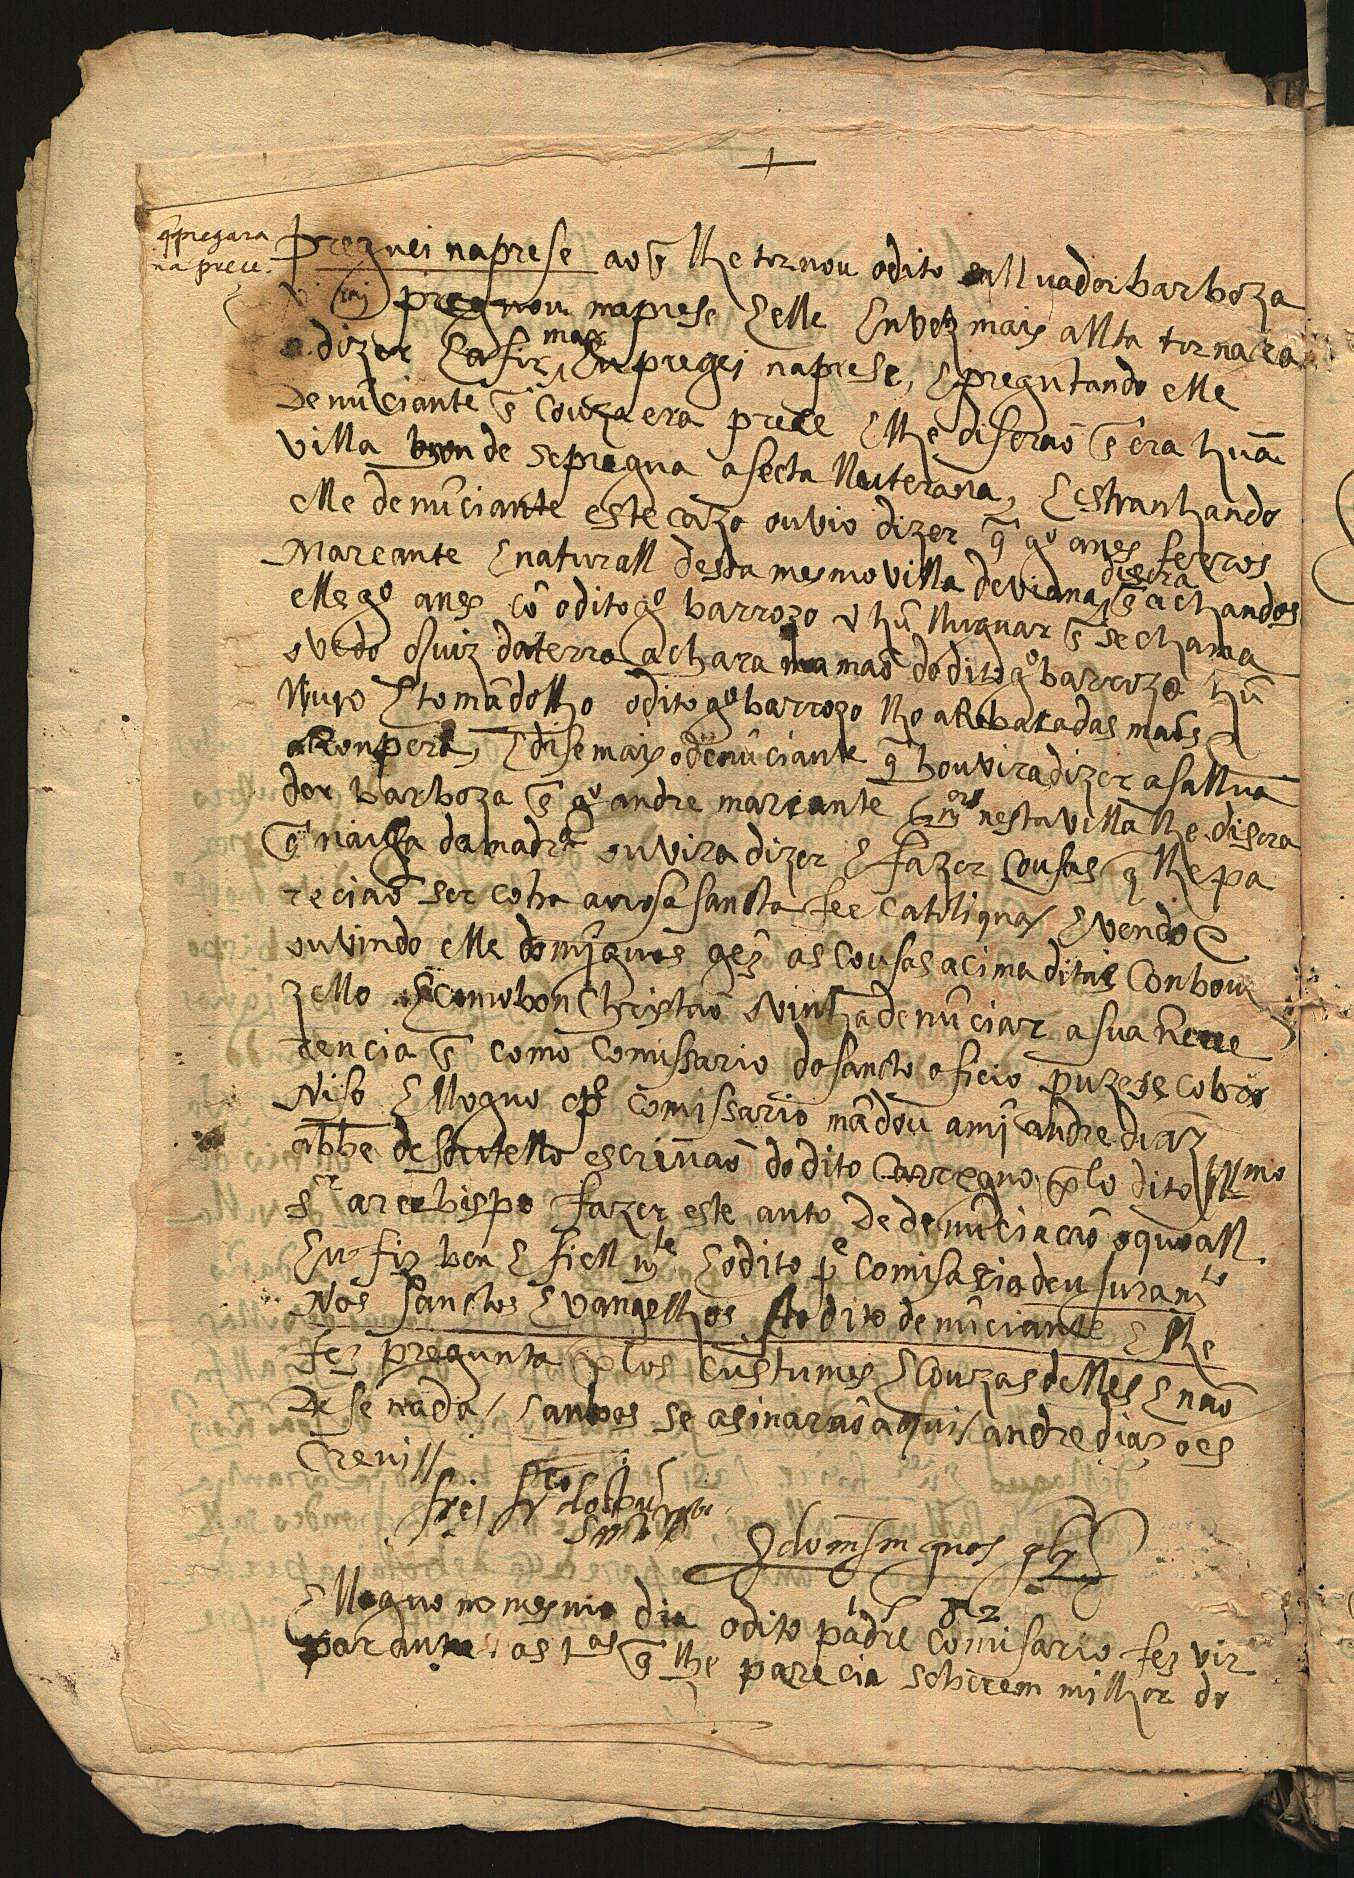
preguei na prese ao q̄ lhe tornou o dito salluador barboza
q̄ pregara
na prece
v. m. preguou na prese E elle En voz mais allta tornara
a dizer E a fir
mar
Eu pregei na prese, E pregūtando elle
denūciante q̄ couza era prece E lhe diserão q̄ era huā
villa honde se pregua a secta lluterana, E estranhando
elle denūciante este cazo ouvio dizer q̄ go anes ferros
Mareante E naturall desta mesma villa de viana,
disera
q̄ achandos
elle go anes cō o dito go barrozo ē hū lluguar q̄ se chama
ovedo o Juiz da terra achara na maõ do dito go barrozo hū
lliuro E tomādo lho o dito go barrozo lho aRebata das maõs e
o Ronpera, E dise mais o denūciante q̄ houvira dizer a sallua
dor barboza q̄ go andre mareante E mor nesta villa lhe disera
q̄ na ilha da madra ouvira dizer E fazer cousas q̄ lhe pa
reciaõ ser cōtra a nosa sancta fee catoliqua / E vendo e
ouvindo elle domj̄guos gez̄ as cousas acima ditas Con bom
zello E como bon Christaõ o vinha denūciar a sua Reue
rencia q̄ como comissario do sancto oficio puzese cobro
Niso E lloguo o pe comissario mādou a mj̄ andre diaz
ab̄be de Soutello escriuaõ do dito Carreguo p̄lo dito Jllmo
sor arcebispo fazer este auto de denūciação o quoall
Eu fiz ben E fiellmte E o dito pe comisario deu Juramto
Nos Sanctos Evangelhos Ao dito denūciante E lhe
fez pregunta p̄los custumes E couzas delles E não
dise nada / E anbos se asinarão aqui / andre dias o es
creui //
frej frco do spū
sancto
domJmguos glz̄
1582
E lloguo no mesmo dia o dito padre comisario fez vir
parante si as tas q̄ lhe parecia saberem milhor do
